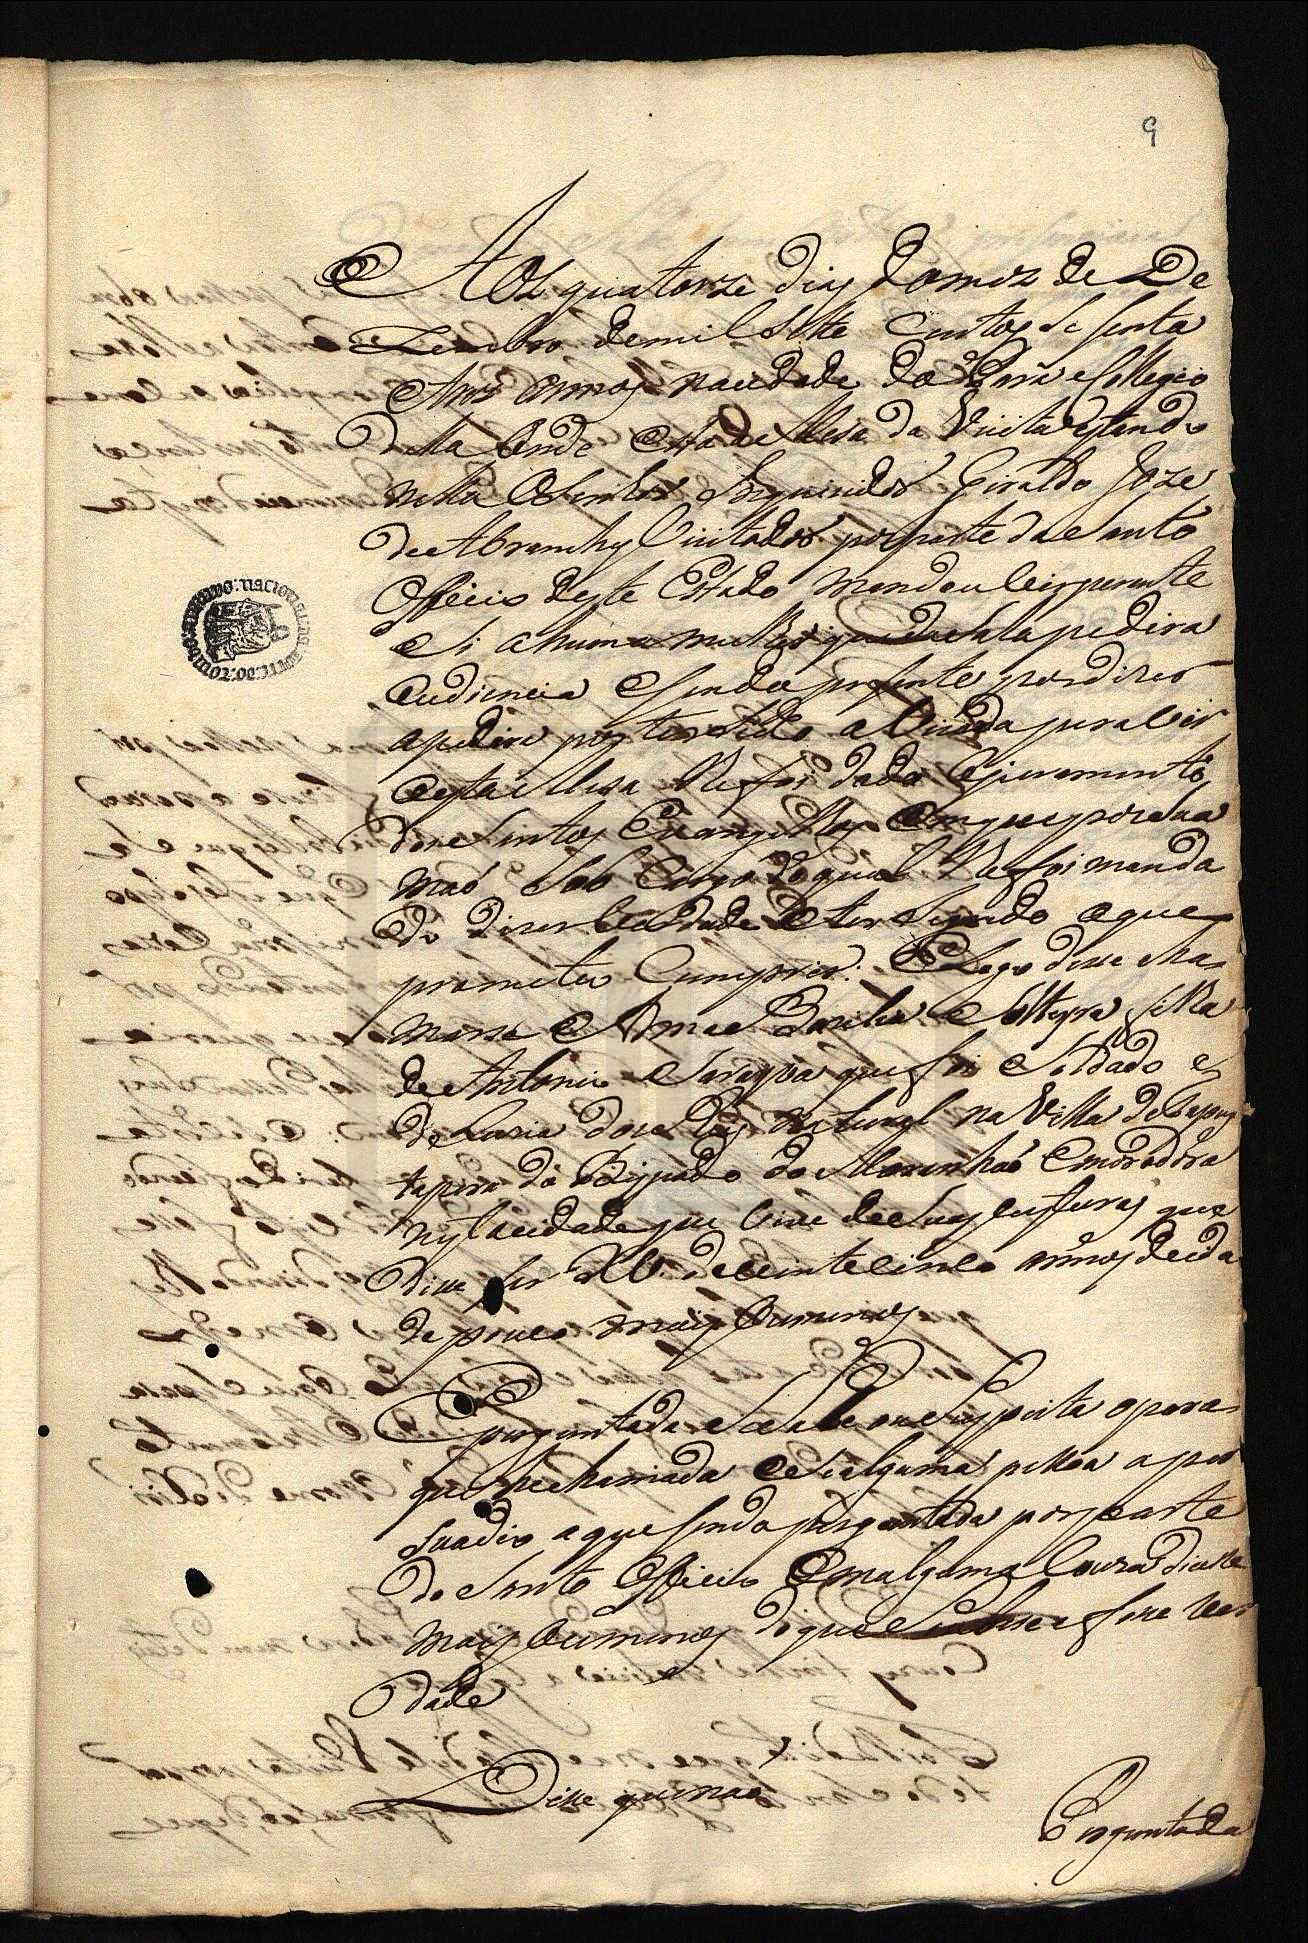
9
Aoz quatroze dias do mez de De
Zembro de mil Settecentos sesenta
e trez annos na cidade do Para e Collegio
della Sende esta Mesa da Visita estando
nesta O Senhor Inquizidor Giraldo Joze
de Abranches Visitador por parte da Santo
Officio deste Estado mandou vir perante
a si a huma mulher que da sala pedira
audiencia e sendo presente por dizer
a pedira por ter Sido aVizada para vir
a esta Mesa lhe foi dado o juramento
dos santos Evangelhos em que poz sua
maõ sob cargo do qual lhe foi manda
do dizer verdade e ter segredo o que
prometeo Cumprir: E Logo disse cha
marse Anna Bazilia solteyra filha
de Antonio sarayva que foi soldado e
de Luzia dos Reis natural na Villa de Tapus
tapira do Bispado do Maranhaõ e moradora
nesta cidade que vive de suas custuras que
disse ser xv. de vinte cinco annos de ida
de pouco mais ou menos
E perguntada se sabe ou suspeita o para
que he chamada e se alguma pessoa a per
suadio a que sendo perguntada por parte
do Santo Officio em alguma Couza dicesse
mais ou menos do que S_besse fosse ver
dade
Disse que naõ
Perguntada
